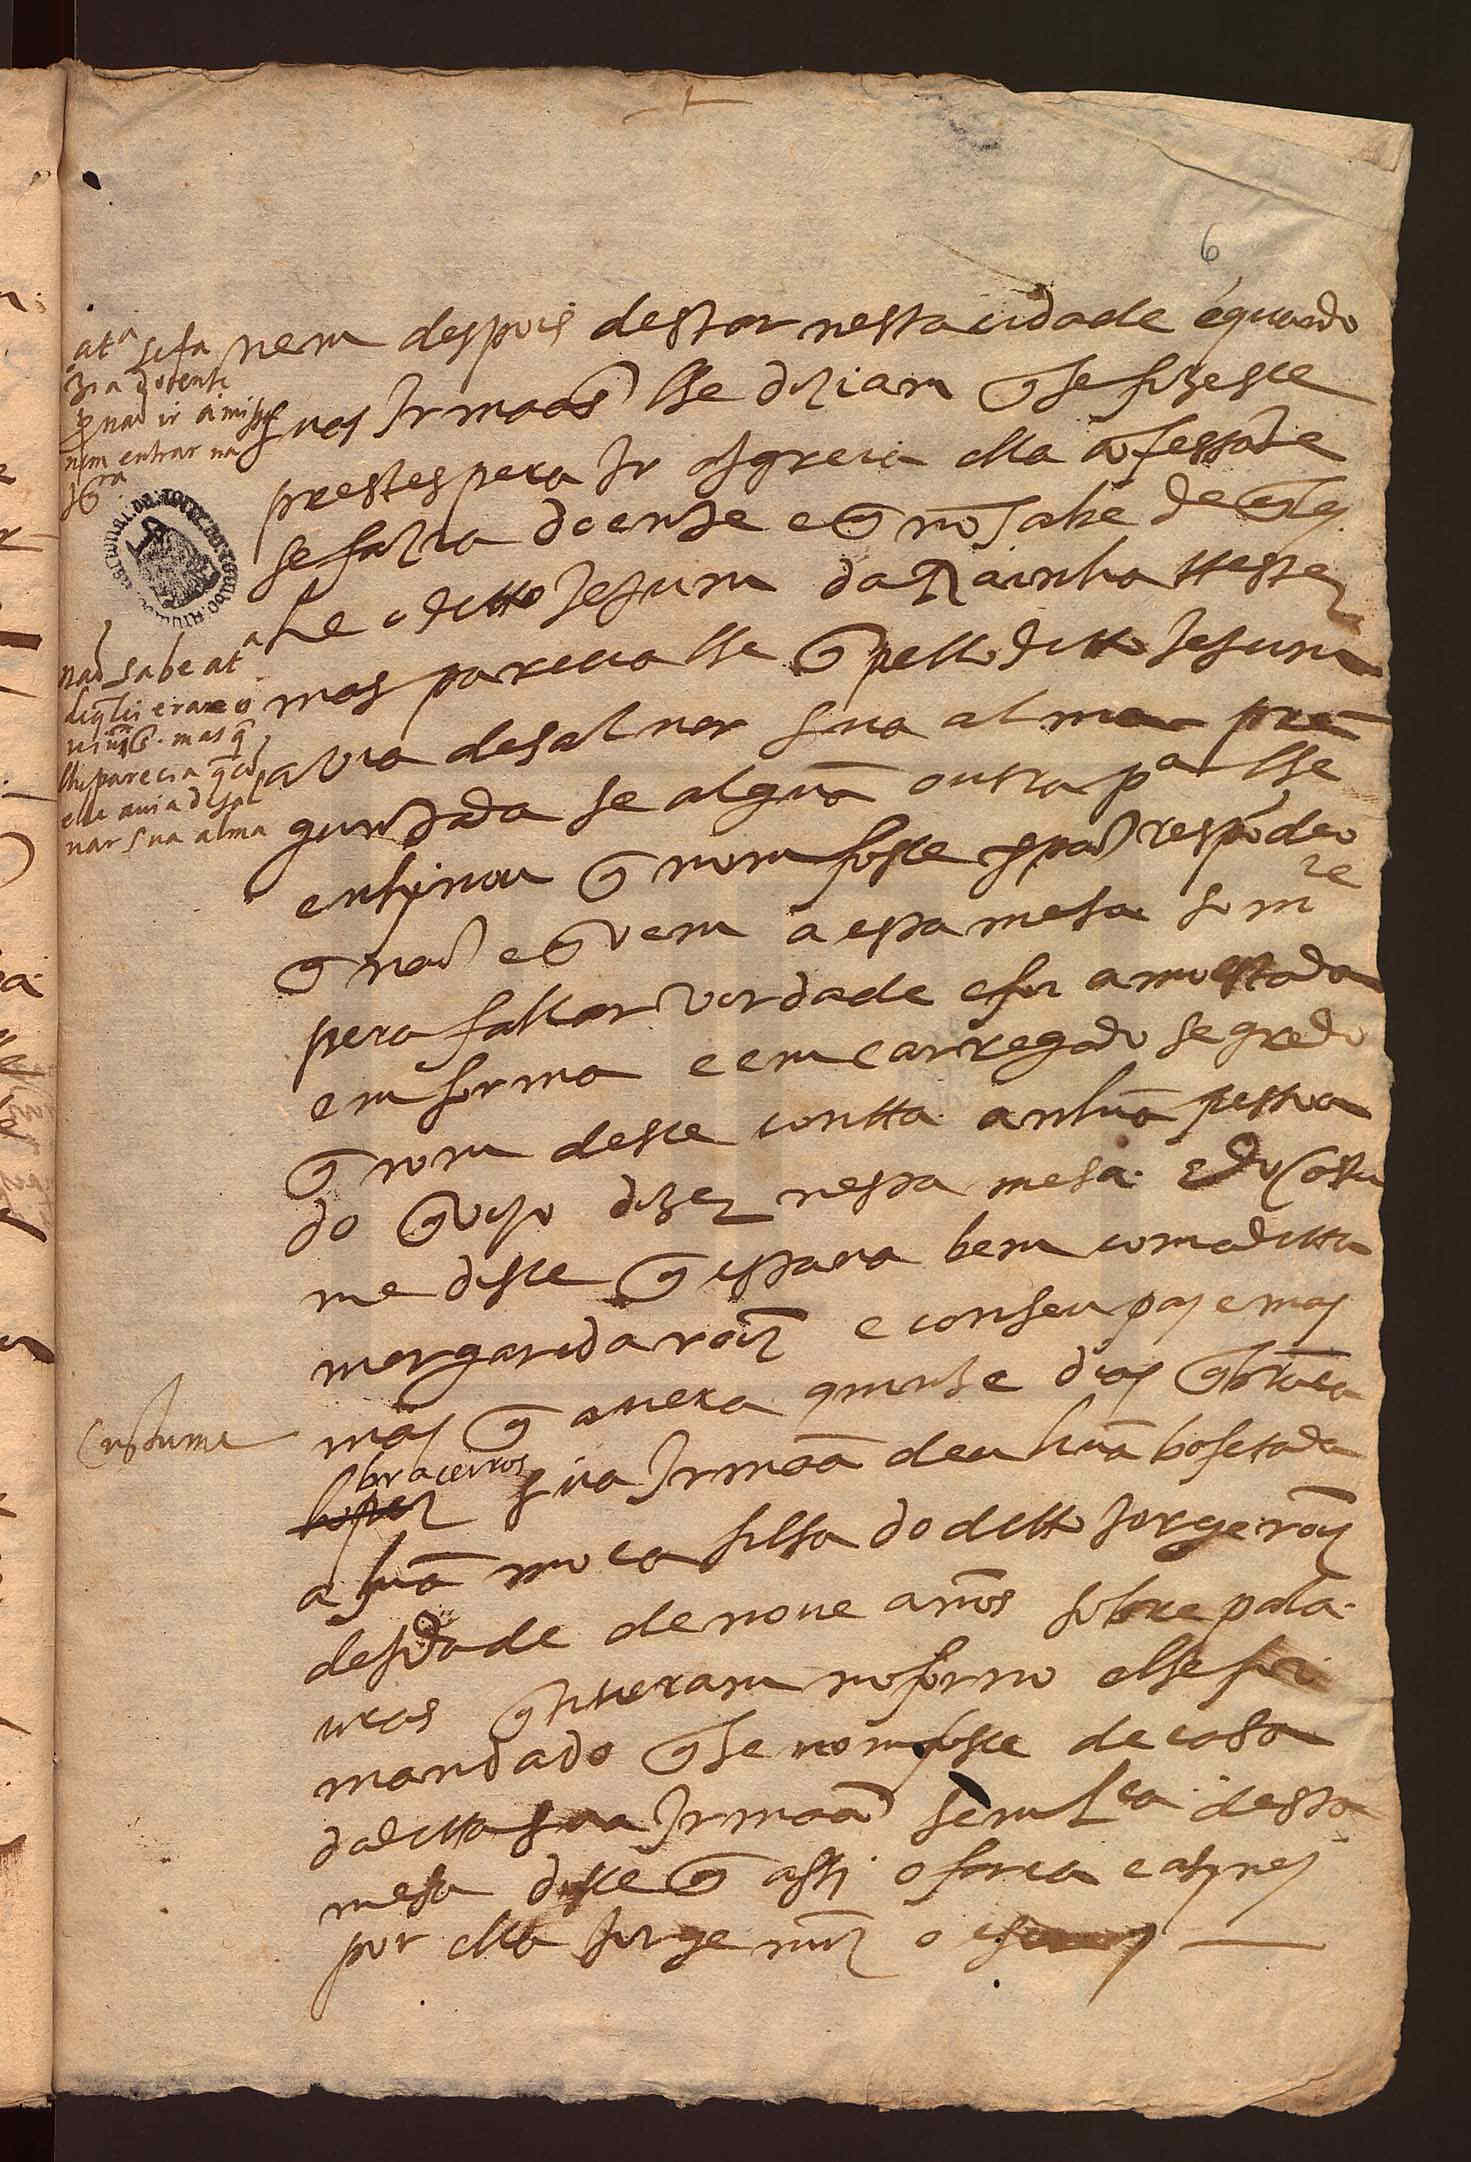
ata se fa
zia dooente
ꝓ nao ir á missa
nem entrar na
Jgra.
naõ sabe a ta
de q̄ lei eram o
viuiaõ. mas q̄
lhe parecia q̄ cō
ella auia de sal
uar sua alma
Custume
nem despois destar nesta cidade e quando
suas Irmaãs lhe diziam q̄ se fizesse
prestes pera Jr a Jgreia ella cōfessāte
se fazia doente e q̄ nō sabe de q̄ lej
he o ditto Jejum da Rainha Hester
mas parecialhe q̄ pello ditto Jejum
avia de saluar sua alma pre
guntada se alguā outra pa lhe
ensynou q̄ nom fosse xpā respōdeo
q̄ naõ e q̄ vem a esta mesa somte
pera fallar verdade e foi amoestada
em forma e emcarregado segredo
q̄ nom desse contta a nhuā pessoa
do q̄ vejo dizer nesta mesa. E do Costu
me disse q̄ estaua bem com a ditta
margarida roīz e con seu paj e maj
mas q̄ auera quinze dias q̄ brāca
sua Jrmaã deu huā bofetada
braceiros
a huā moca filha do ditto Jorge roīz
de jdade de noue an̄os sobre pala
uras q̄ tiueram no forno e lhe foi
mandado q̄ se nom fosse de casa
da ditta sua Jrmaã sem Lca desta
mesa disse q̄ assi o faria e asjnej
por ella Jorge mīz o escrevy
